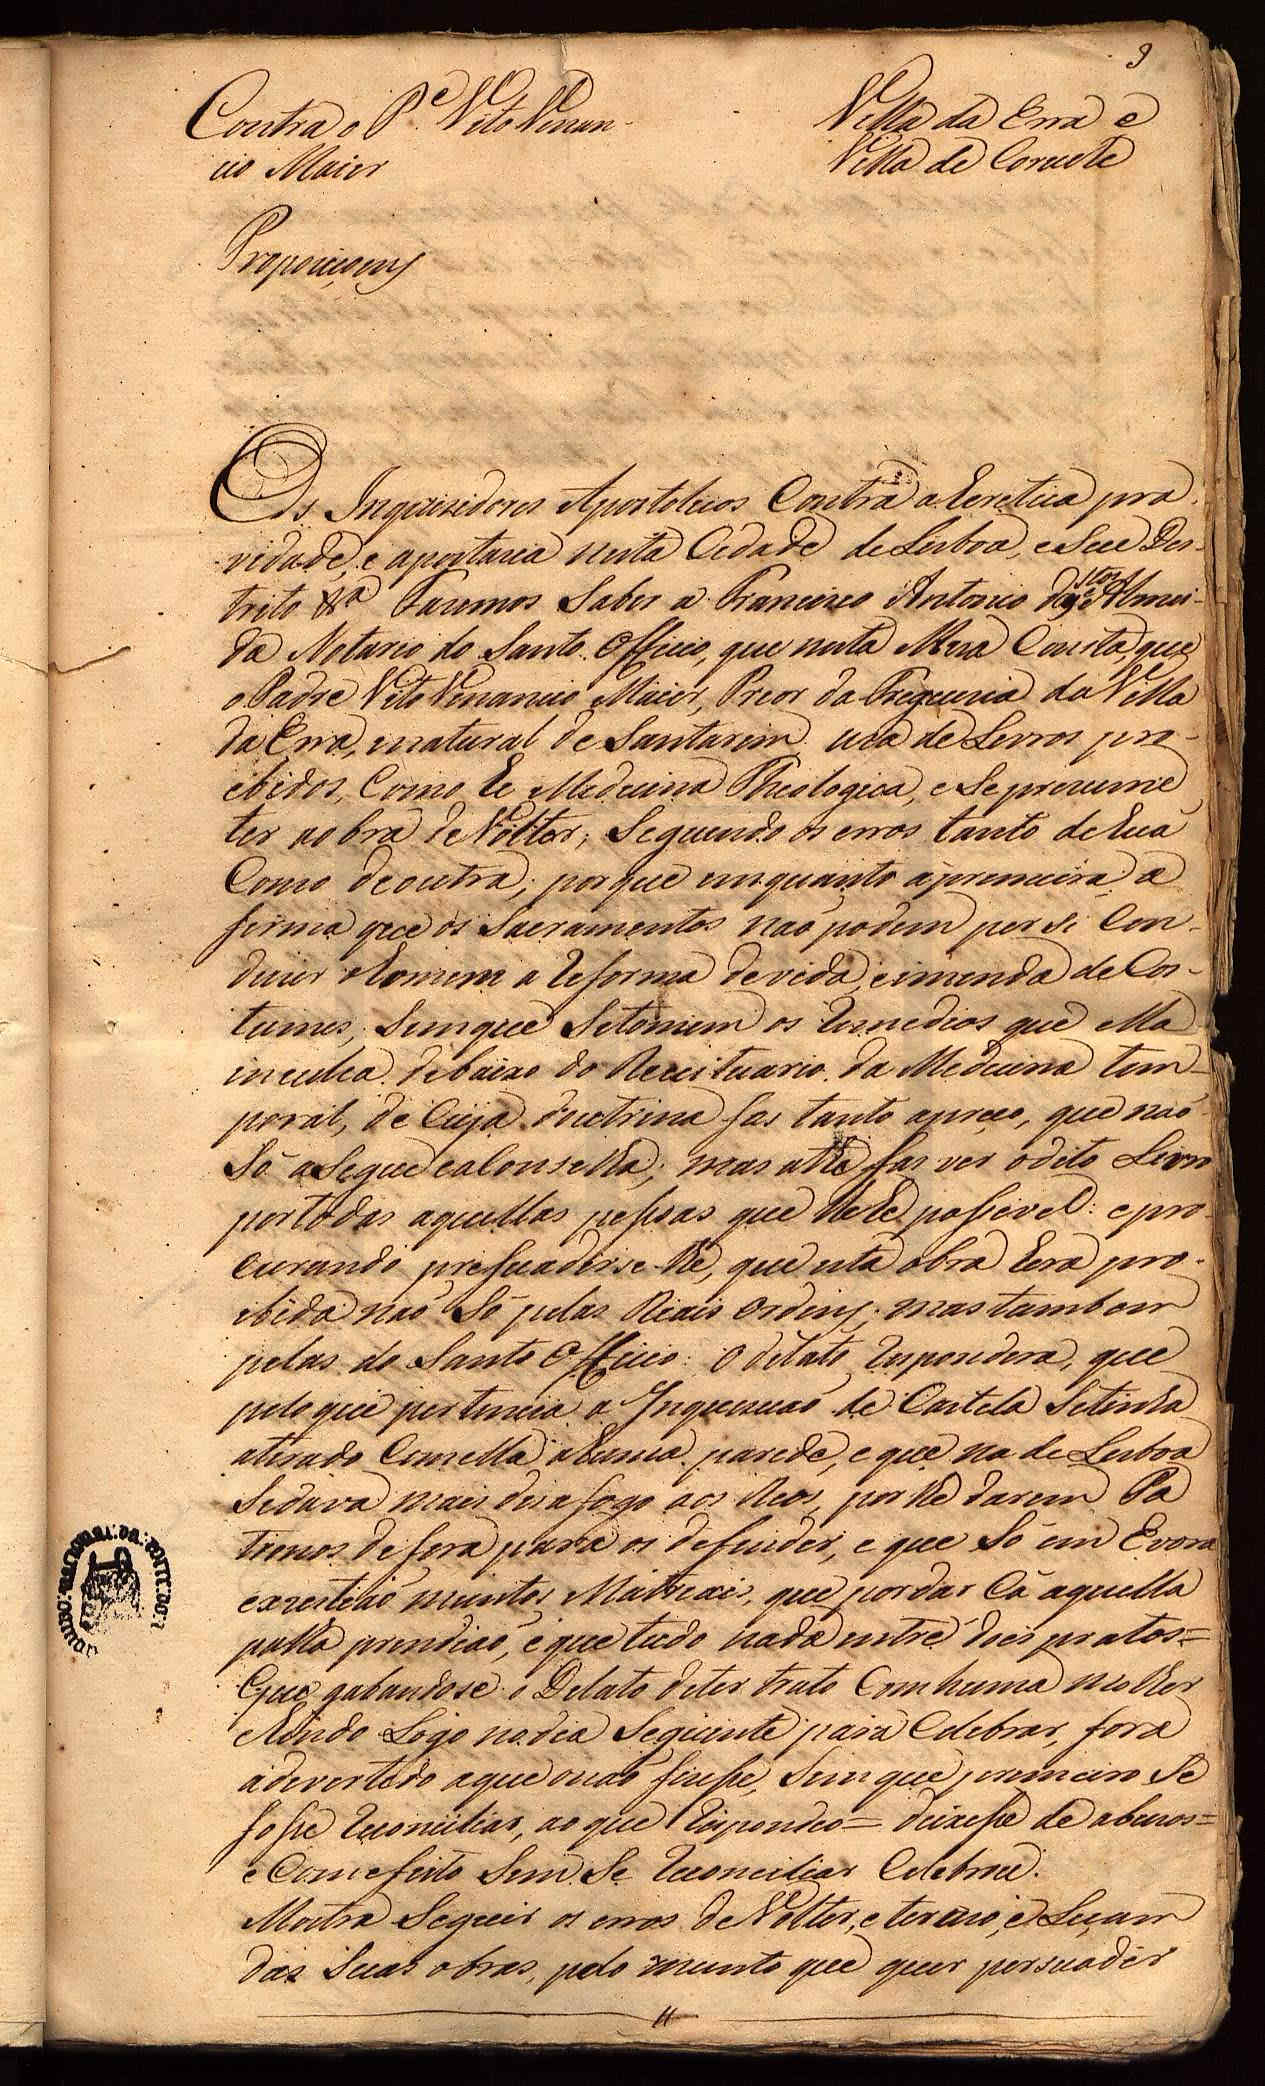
Contra o P.e Vito Venan
cio Maier
Villa da Erra, e
Villa de Coruche
Proposiçoens
Os Inquisidores Apostolicos Contra a heretica pra
vidade, e apostasia nesta Cidade de Lisboa, e seu Des
trito &a Fazemos Saber a Francisco Antonio dos s.tos Almei
da Notario do Santo Officio, que nesta Meza Consta, que
o Padre Vito Venancio Maier, Preor da Freguezia da Villa
da Erra, e natural de Santarem; uza de Livros pro
ibidos, Como he Medecina Theologica, e Se prezume
ter a obra de Volter; Seguindo os erros tanto de huā
Como de outra; porque emquanto a premeira, a
firma que os Sacramentos naõ podem per si con
duzir o homem a Reforma de vida, e imenda de Cos
tumes, sem que Se tomem os Remedios que ella
inculca debaixo do Receituario da Medecina tem
poral, de Cuja doutrina fas tanto apreço, que naõ
só a segue e aConselha; mas athe fas ver o dito Livro
por todas aquellas pessoas que lhe he possivel: e pro
curando presuadirse-lhe, que esta obra hera pro
ibida naõ só pelas Reais ordens; mas tambem
pelas do Santo Officio: o delato, Respondera, que
pelo que pertencia a Jnquisicaõ de Castela Se tinha
atirado Com ella a huma parede, e que na de Lisboa
se dava mais desafogo aos Reos, por lhe darem Pa
tronos de fora para os defender, e que só em Evora
exzestiaõ muitos Matreais, que por dar Cá aquella
palha prendiaõ, e que tudo nada entre does pratos
Que gabandose o Delato de ter trato Com huma molher
e hindo Logo no dia seguinte para Celebrar, fora
adevertido a que o naõ fizesse, sem que primeiro Se
fosse Reconciliar, ao que Respondeo = deixesse de abusos
e Com efeito Sem se Reconciliar Celebrou.
Mostra Seguir os erros de Volter, e ter uso, e Leçam
das Suas obras, pelo munto que quer persuadir
